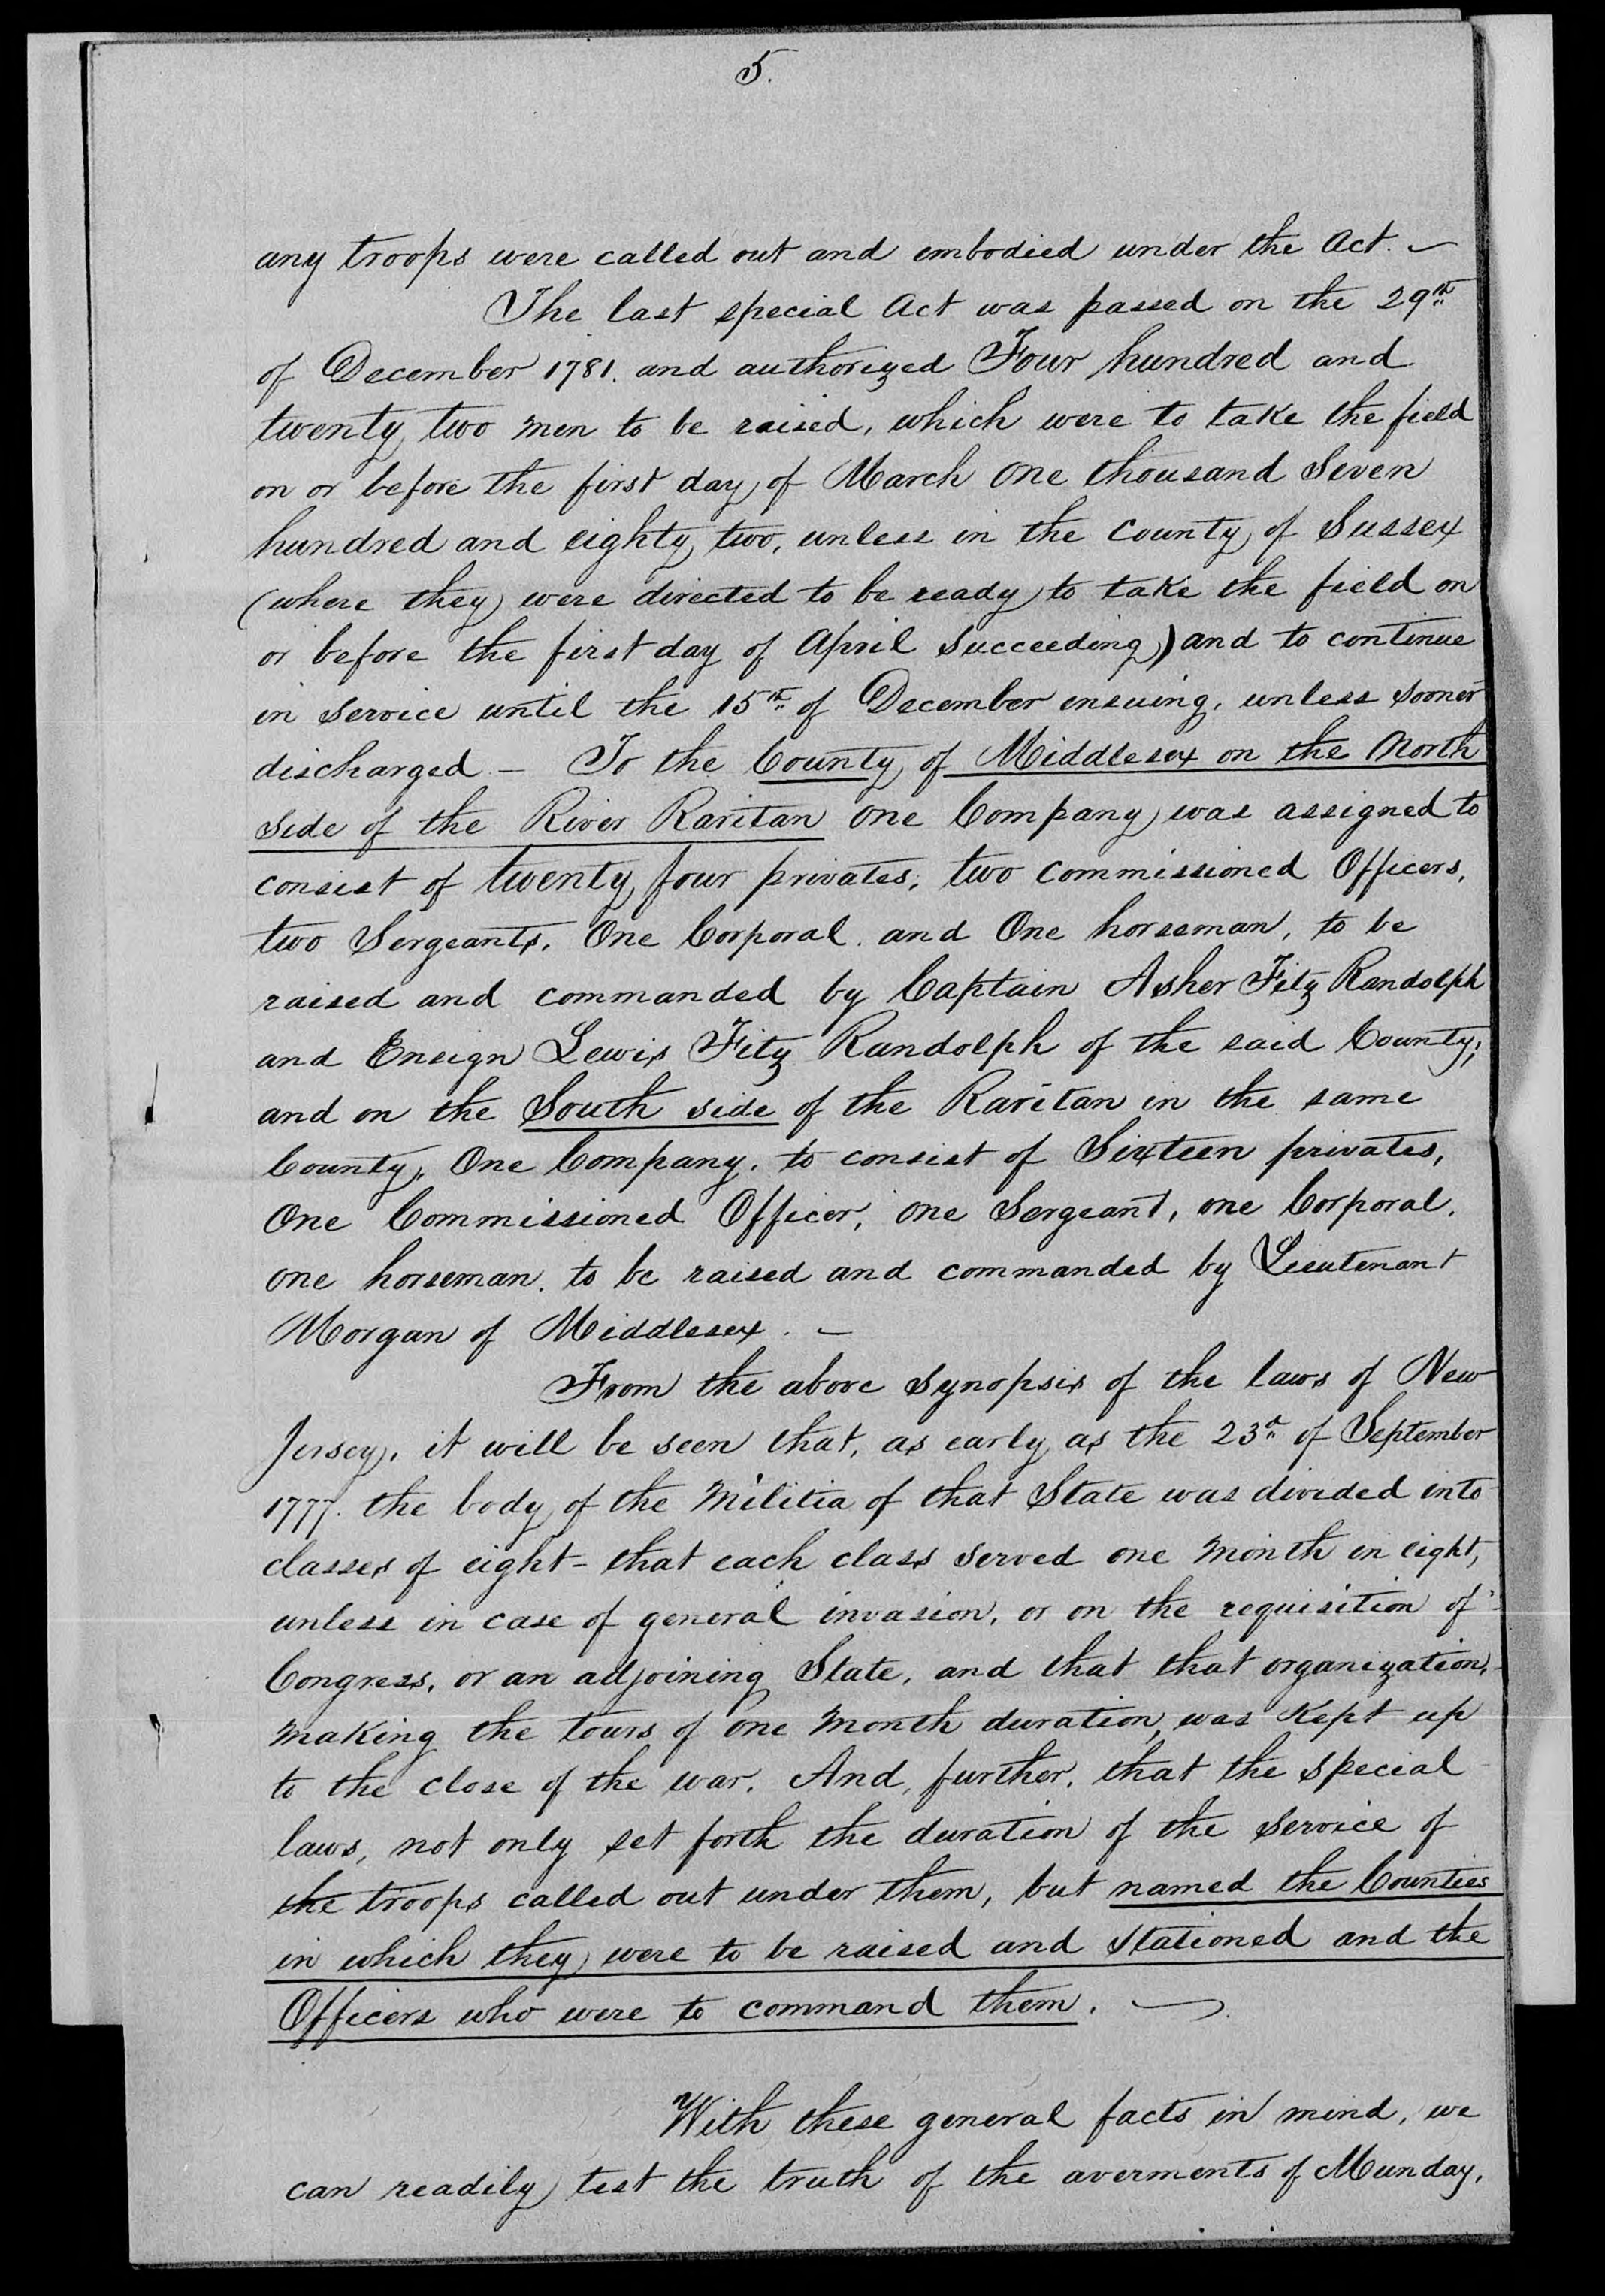...5

any troops were called out and embodied under the act.

The last special act was passed on the 29th of December 1781 and authorized four hundred and twenty two men to be raised, which were to take the field on or before the first day of March One Thousand Seven Hundred and Eighty two, unless in the County of Sussex (where they were directed to be ready to take the field on or before the first day of April succeeding) and to continue in service until the 15th of December ensuing, unless sooner discharged. To the County of Middlesex on the north side of the River Raritan, one Company was assigned to consist of twenty four privates, two commissioned officers, two sergeants, one corporal and one horseman to be raised and commanded by Captain Asher Fitz Randolph and Ensign Lewis Fitz Randolph of the said County; and on the south side of the Raritan (River) in the same County, one company to consist of sixteen privates, one commissioned officer, one sergeant, one corporal, one horseman to be raised and commanded by Lieutenant Morgan of Middlesex.

From the above synopsis of the laws of New Jersey, it will be seen that as early as the 23rd of September 1777, the body of the militia of that State was divided into classes of eight, that each class served one month in eight, unless in case of general invasion or on the requisition of Congress, or an adjoining State, and that that organization, making the tours of one month duration, was kept up to the close of the war. And further, that the special laws not only set forth the duration of the service of the troops called out under them but named the Counties in which they were to be raised and stationed and the officers who were to command them.

With these general facts in mind, we can readily test the truth of the averments [i.e., allegations] of Munday...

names: Asher Fitz Randolph; [BLANK] Munday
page: 32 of 95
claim: survivor's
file: S 2889, for Levi Mundy, New Jersey